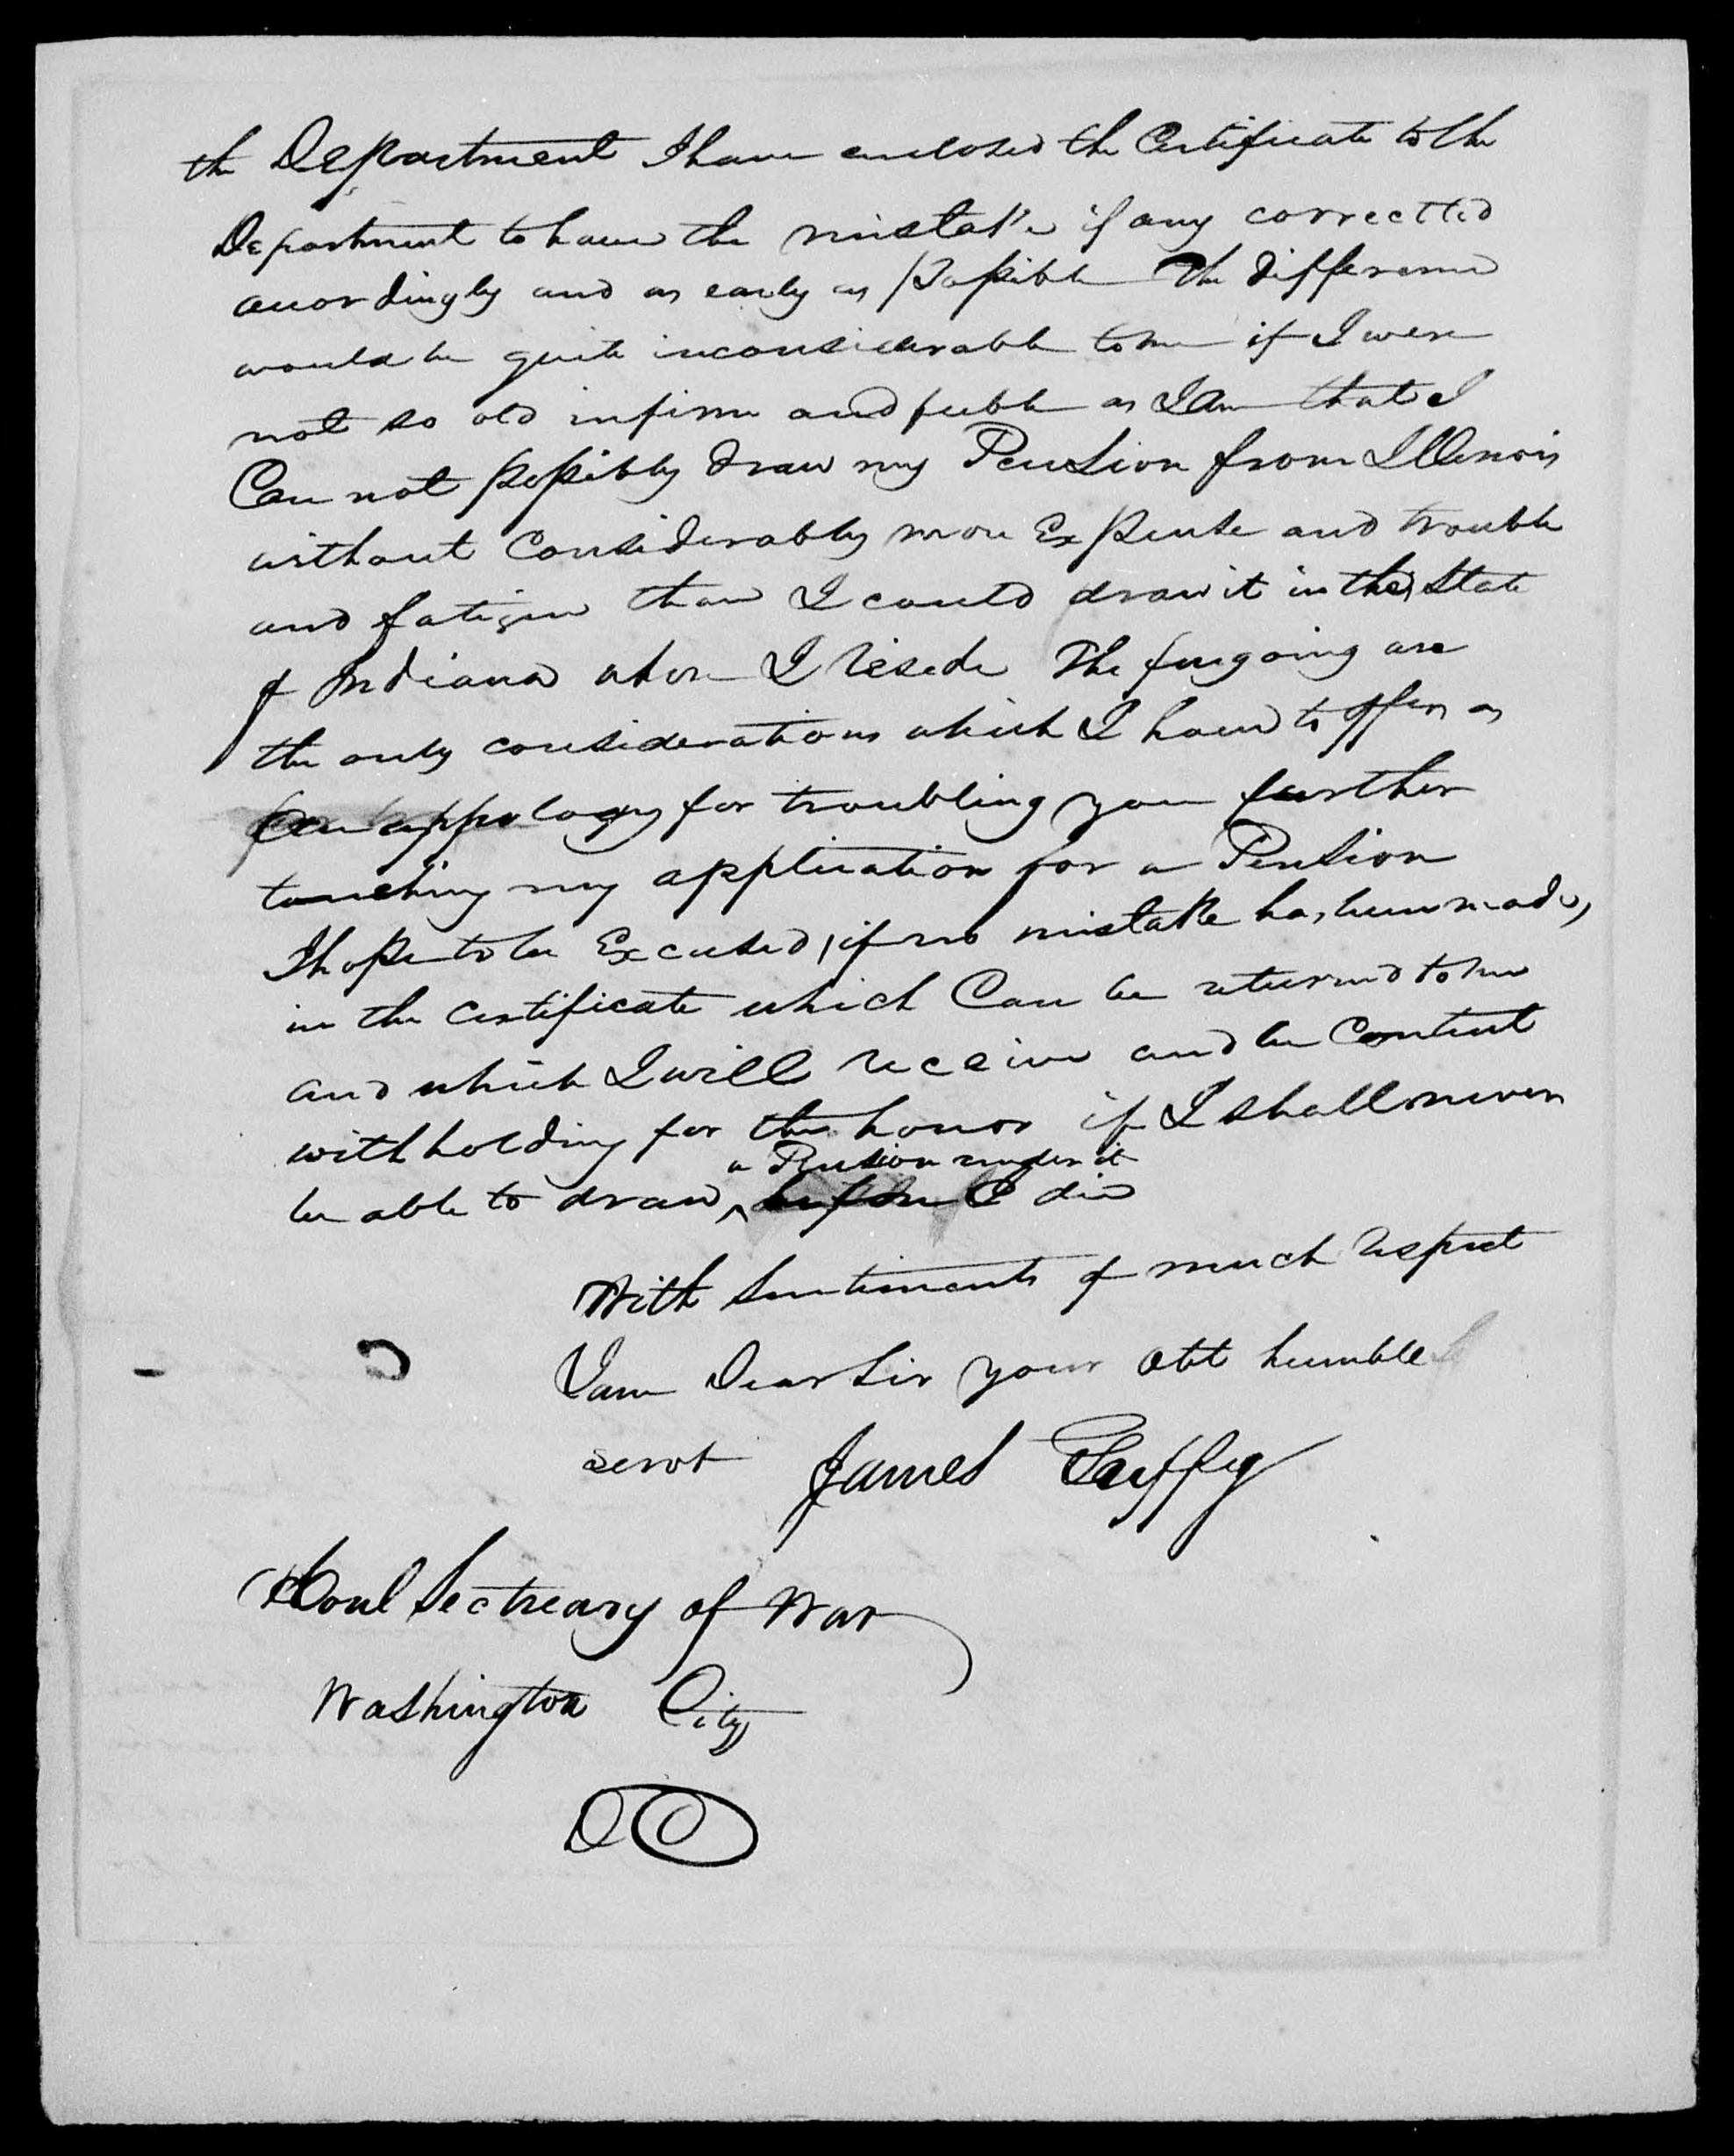the Department I have enclosed the certificate to the Department to have the mistake if any corrected accordingly and as early as possible the difference would be quite inconsiderable to me if I were not so old infirm and feeble as I am that I cannot possibly draw my pension from Illinois without considerably more Expense and trouble and fatigue than I could draw it in the State of Indiana where I reside the foregoing are the only considerations which I have to offer as for troubling you further touching my application for a Pension
I hope to be excused, if no mistake has been made, in the certificate which can be returned to me and which I will receive and be content
with holding for the honor if I shall never 
be able to draw a pension under it before I die.
With sentiments of much respect
I am Dear Sir your obt humble svt
James Duffy
Honl Secretary of War
Washington City
DC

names: James Guffy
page: 34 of 36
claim: survivor's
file: S. 31,718, James Guffey, Penn.